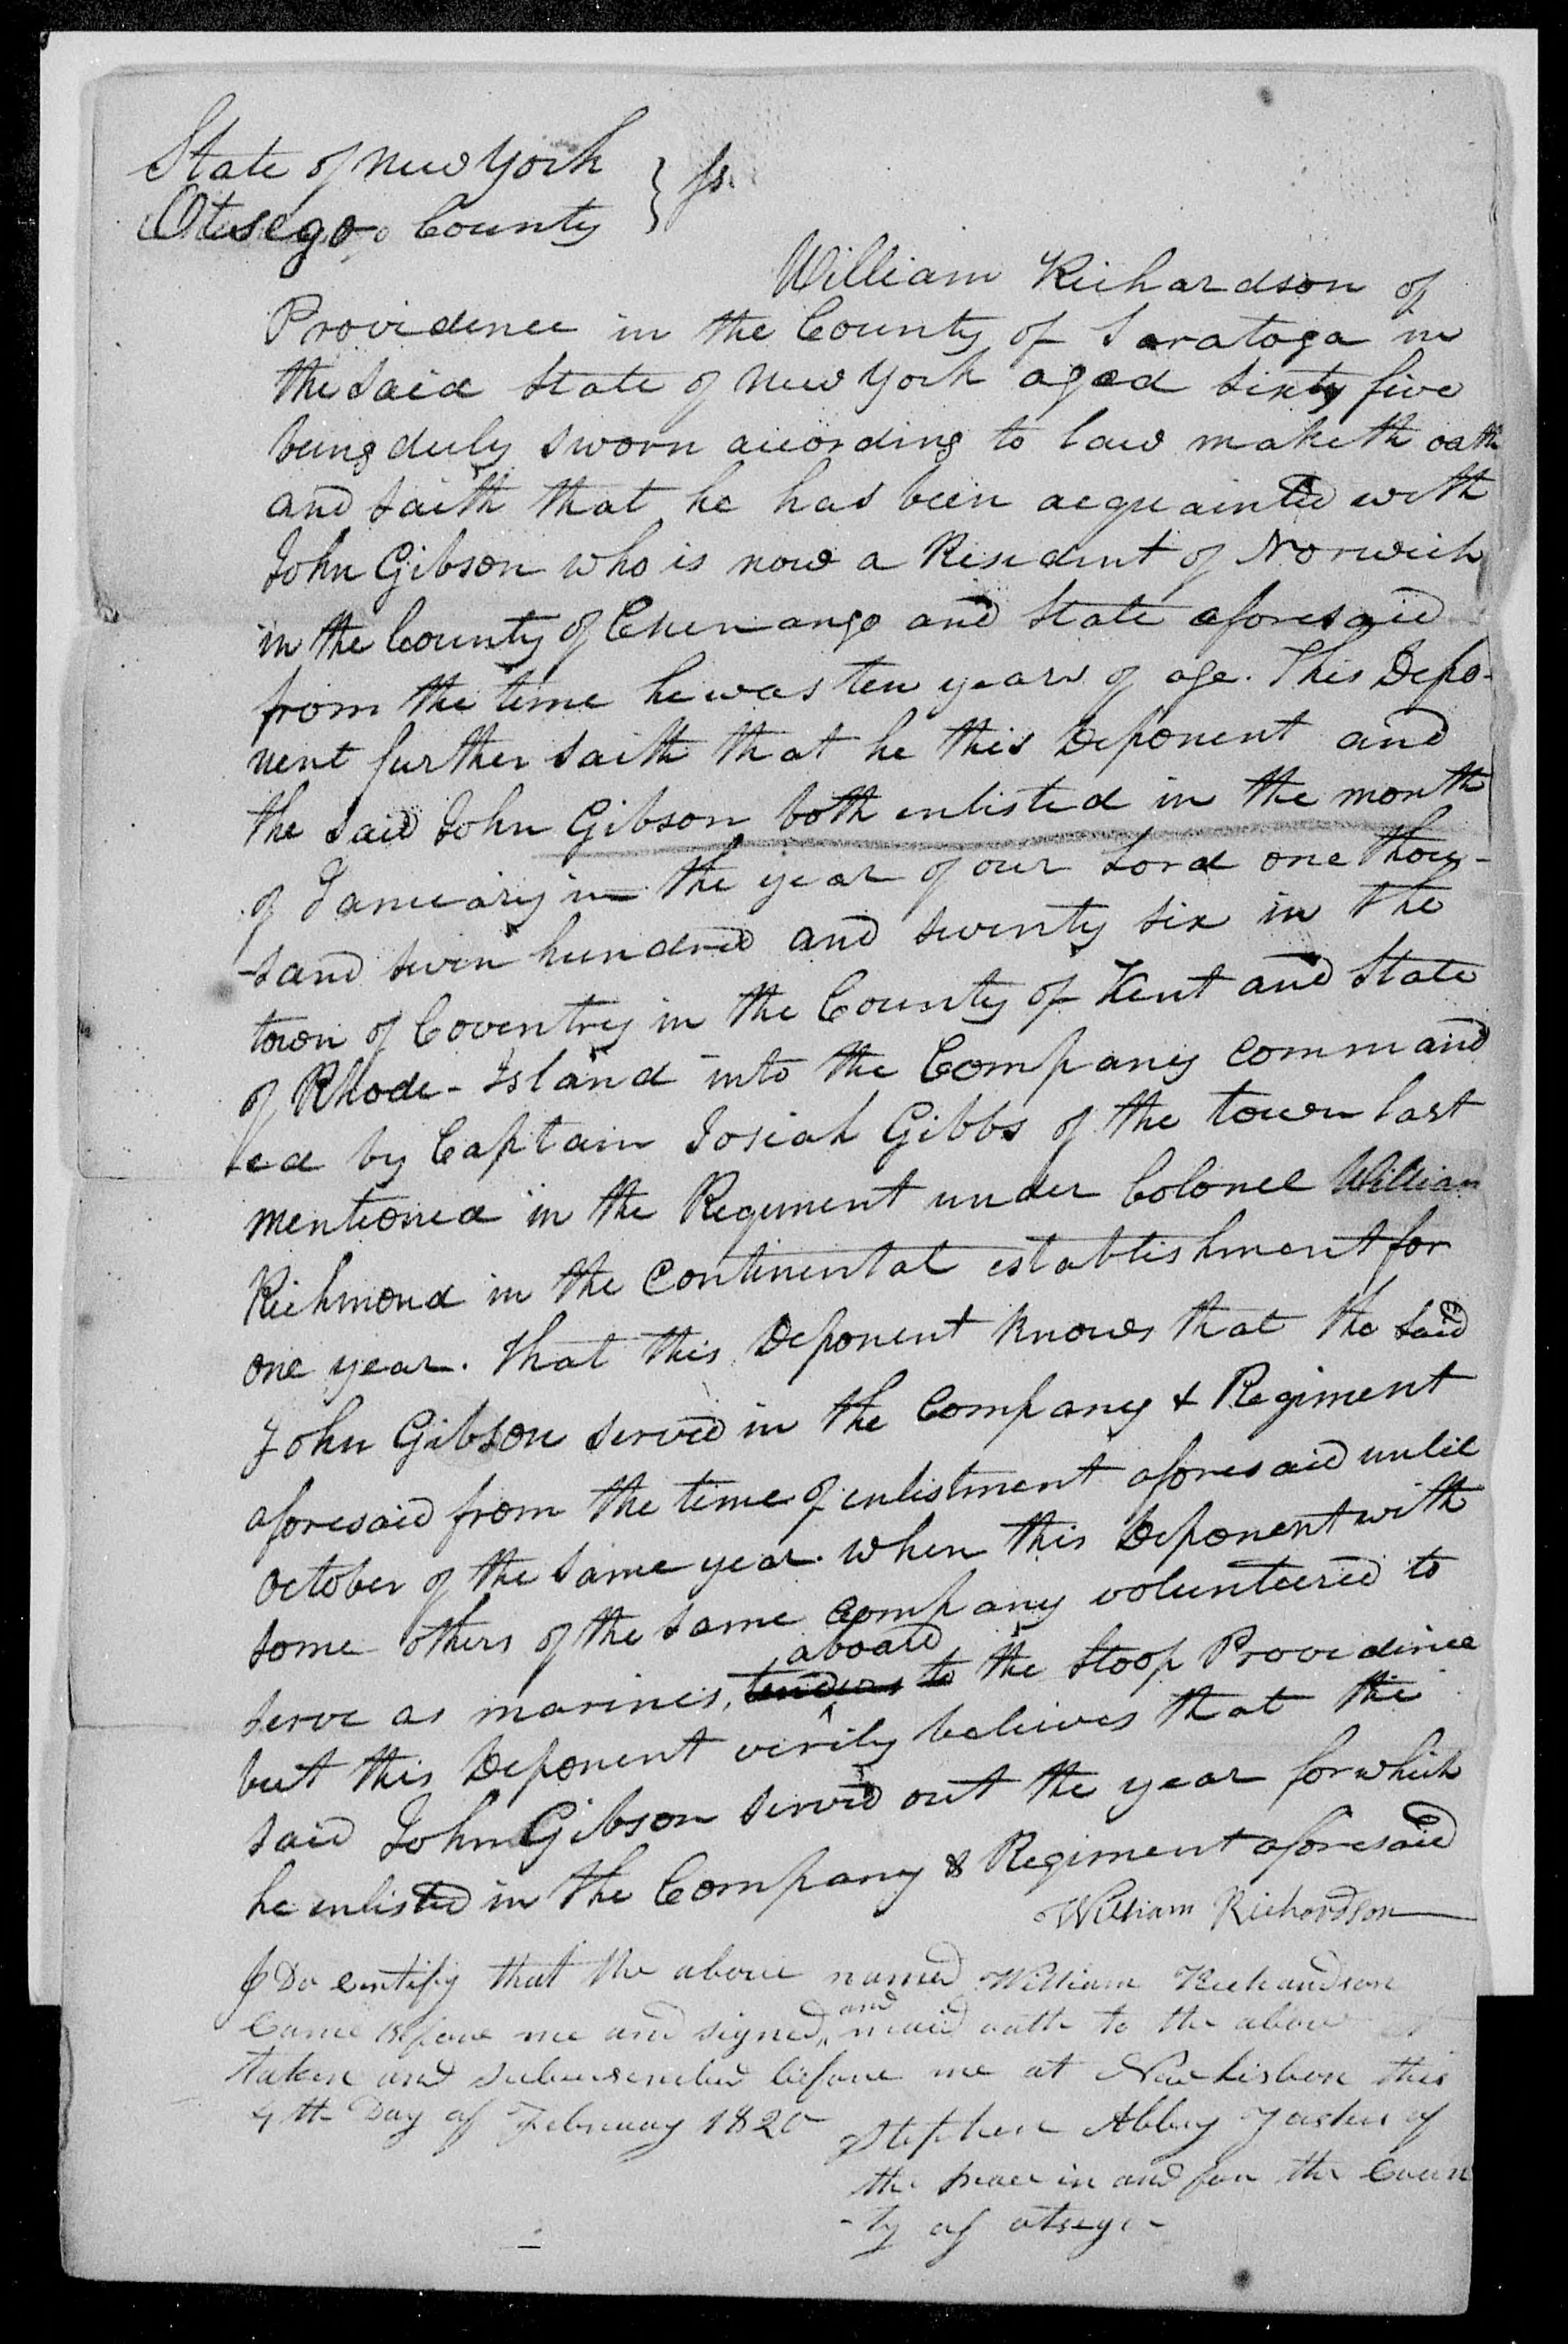State of New York } ss.
Otsego County}

William Richardson of Providence, in the County of Saratoga in the said State of New York  aged sixty five being duly sworn according to law maketh oath and saith that he had been acquainted with John Gibson who is now a Resident of Norwich in the County of Chenango and State aforesaid from the time he was ten years of age. This Deponent further saith that the said Deponent and the said John Gibson both enlisted in the month of January in the year of our Lord one thousand seven hundred and seventy six in the town of Coventry in the County of Kent and State of Rhode Island into the Regiment under Colonel William Richmond in the Continental establishment for one year. That this Deponent knows that the said John Gibson served in the Company & Regiment aforesaid from the time of enlistment aforesaid until October of the same year. When this Deponent with some others of the same company volunteered to serve as marines aboard the Sloop Providence but the Deponent verily believes that the said John Gibson served out the year for which he enlisted in the Company & Regiment aforesaid

William Richardson

I do certify that the above named William Richardson came before me and signed and maid [made] oath to the above taken and subscribed before me at New Lisbon, this 4th day of February 1820 

Stephen Abbey Justice of the Peace in and for the County of Otsego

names: Josiah Gibbs, William Richardson, John Gibson, John Gibson, William Richardson, John Gibson, William Richmond, John Gibson, Stephen Abbey, William Richardson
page: 15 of 32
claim: survivor's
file: S. 34899, John Gibson, R.I.